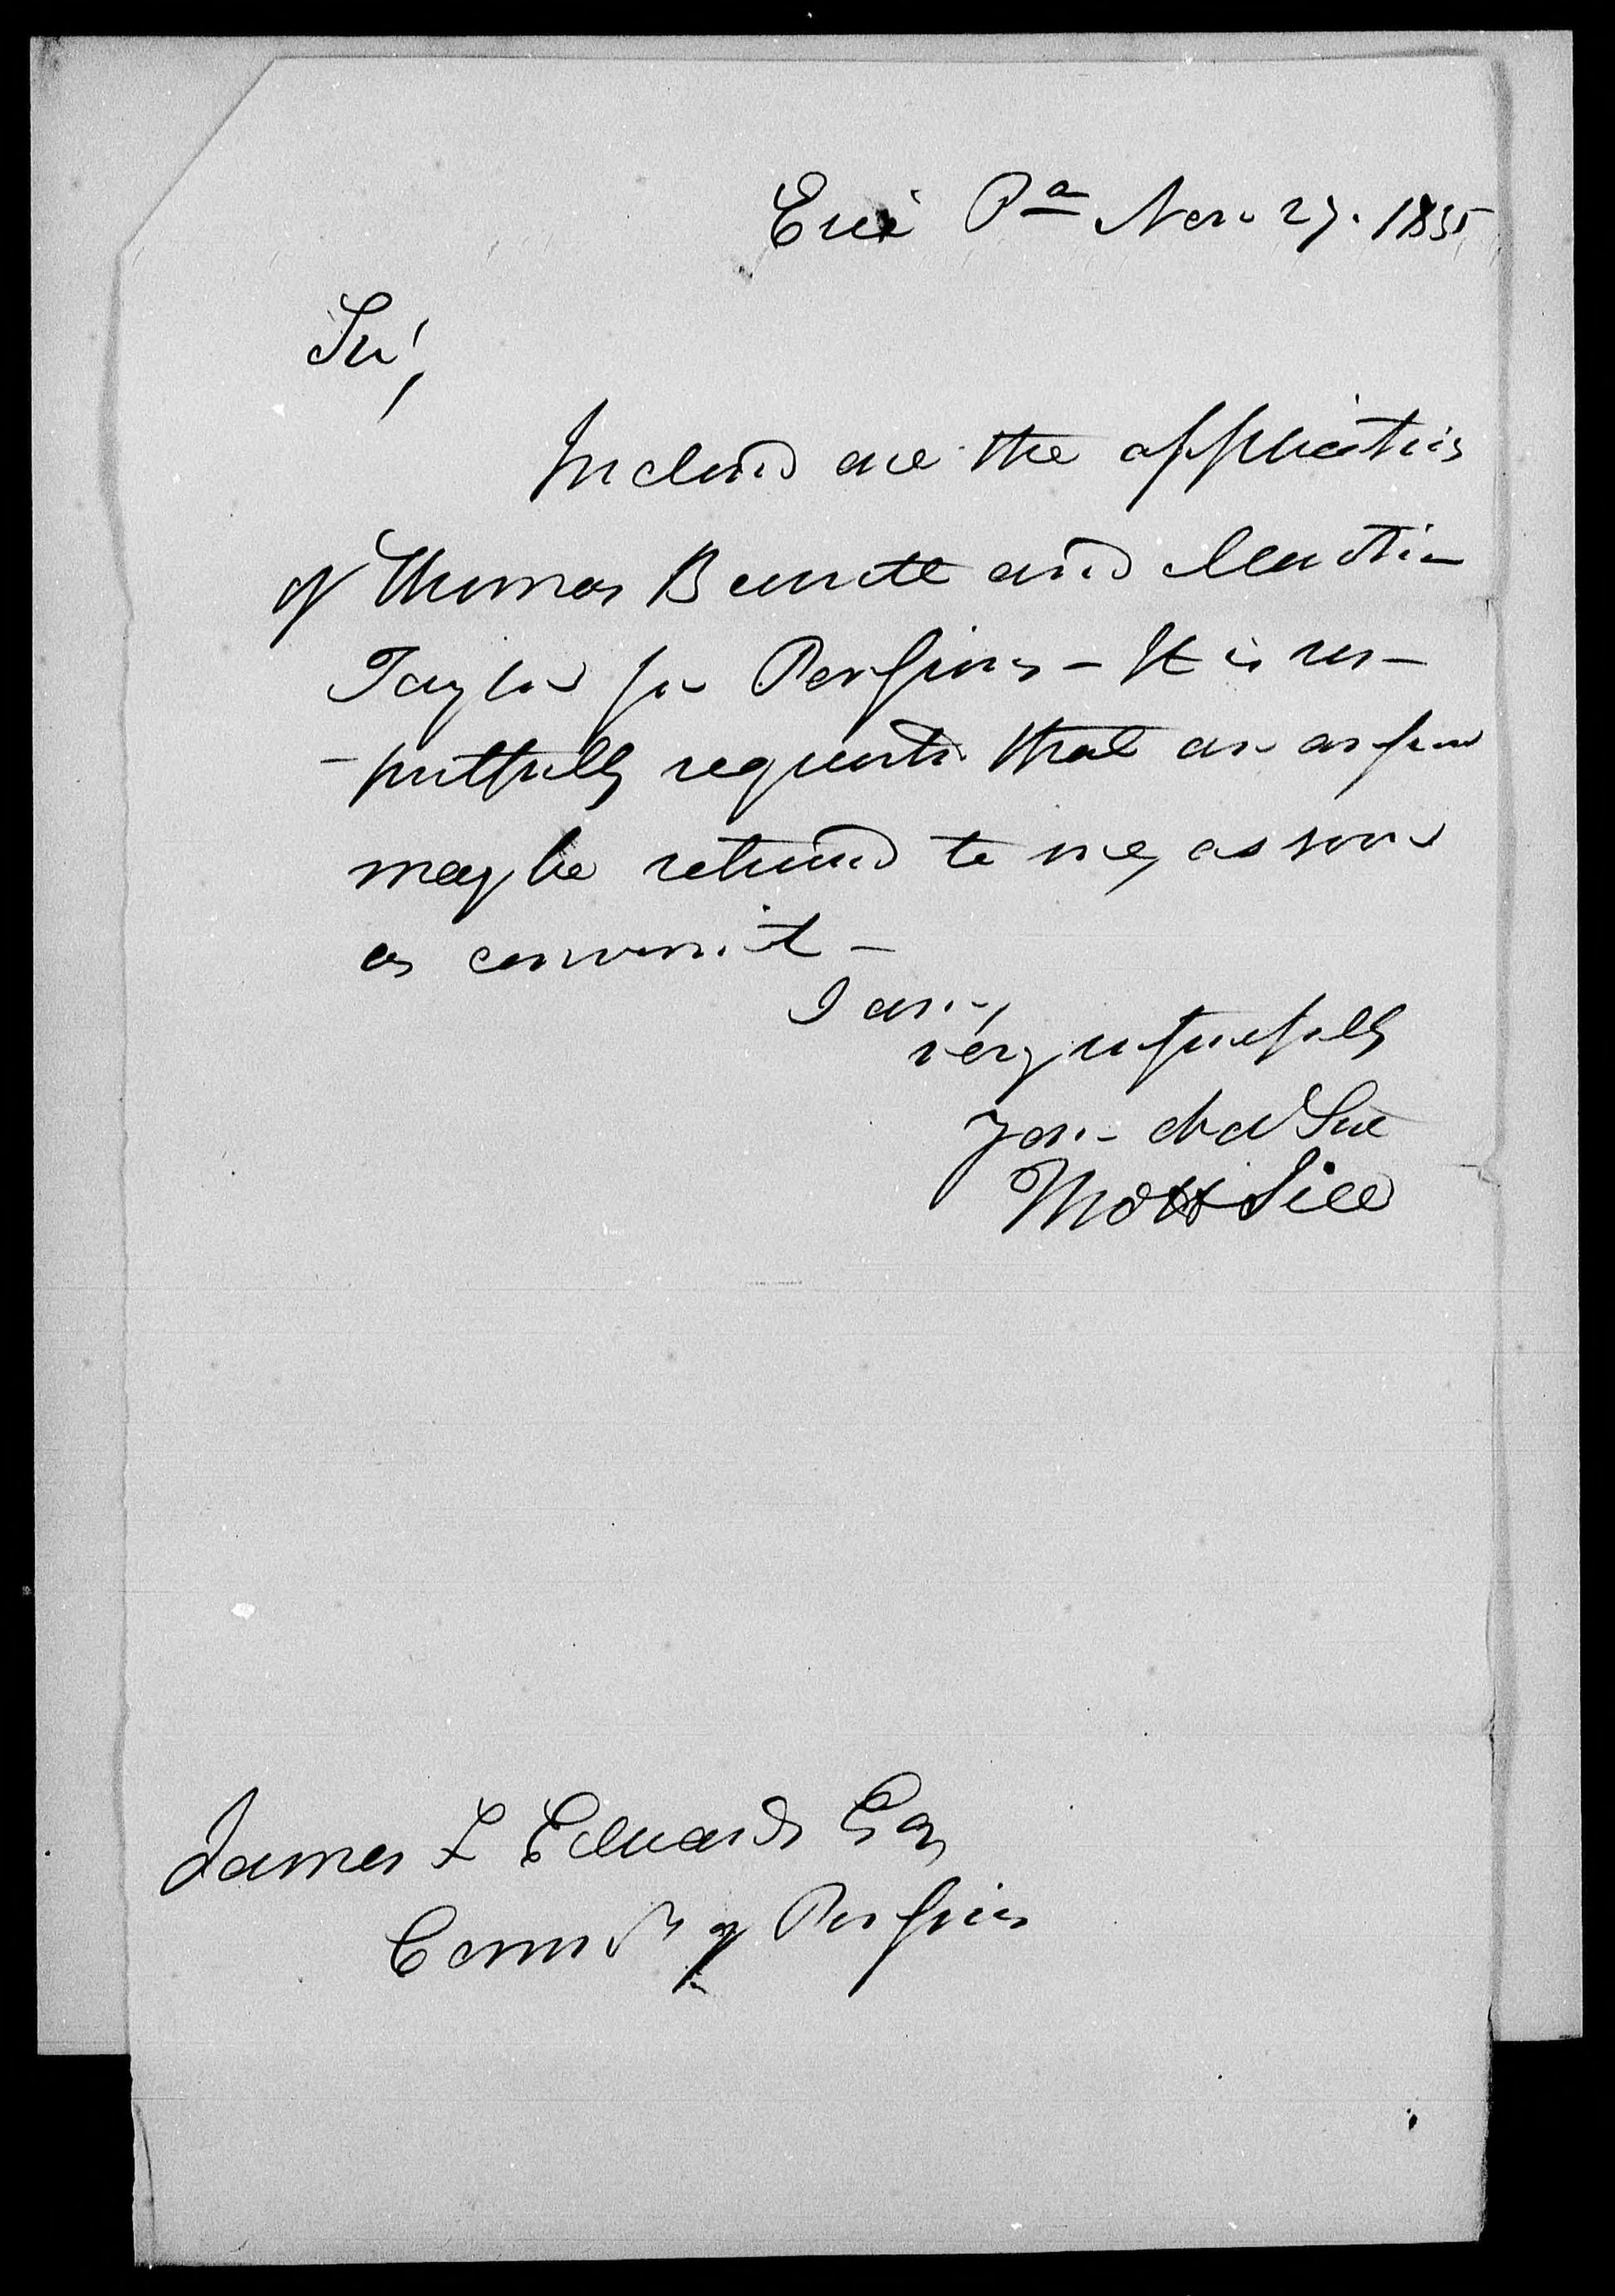Erie Pa Nov 27, 1835

Sir,

Enclosed are the applicantee's of Thomas Banette and Martin Taylor for pensions. It is respectfully requested that an answer may be returned to me as soon as convenient.

I am very respectfully your obt serv

Thos H Sill

James L Edwards Esq
Comm of Pensions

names: James L Edwards; Martin Taylor; Thos H Sill; Thomas Banett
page: 13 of 13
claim: rejected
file: R 10420, for Martin Tayler, Connecticut